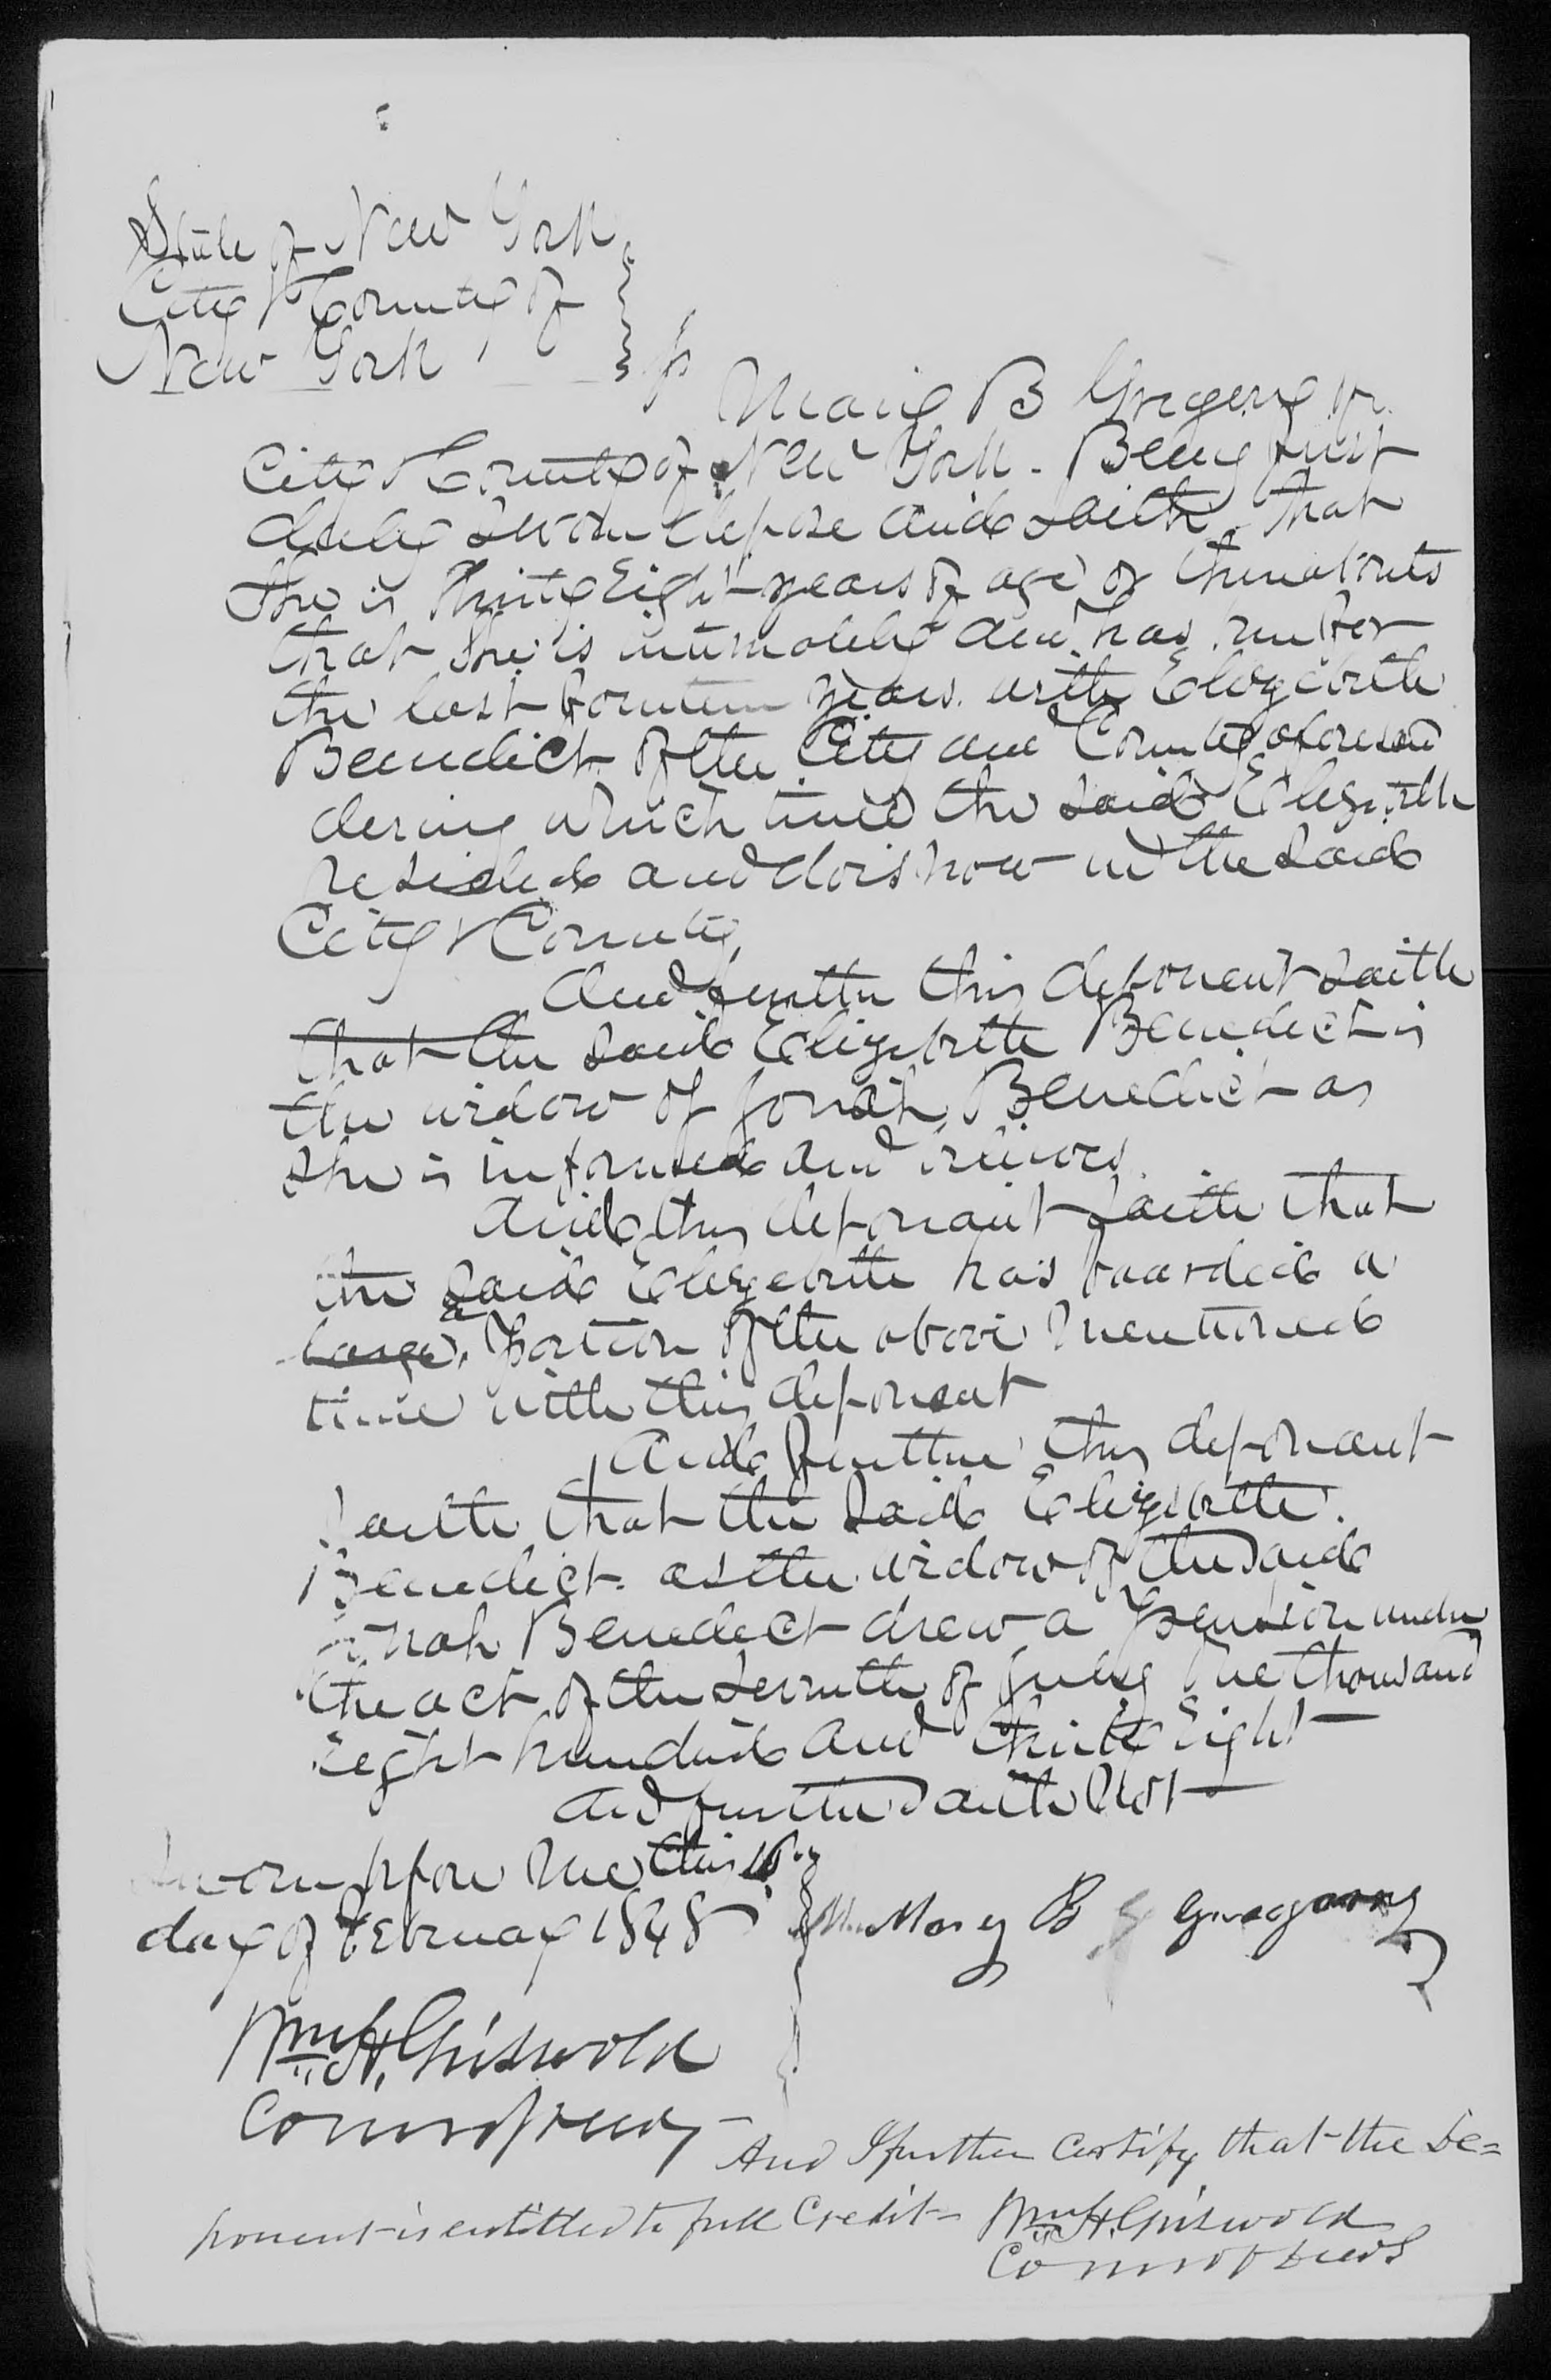State of New York }
City & County of      
New York
                     I Mary B. Gregory of
City & County of New York being first 
duly sworn depose and saith that
she is Sixty Eight years of age or thereabouts
that she is intimately ????????
the last fourteen years, with Elizabeth
Benedict of the City and County aforesaid
during which time the said Elizabeth
resided and does now in the said
City & County
         And further this deponent saith
that the said Elizabeth Benedict
the widow of Jonah Benedict - as
she is informed and believes
       And the deponant saith that the
said Elizabeth has boarded a
 portion of the above mentioned
time with this deponent
     And further this deponant
with that the said Elizabeth
Benedict as the widow of the said
Jonah Benedict drew a pension under the
act of the Seventh of July one thousand
Eight hundred and thirty Eight
        and further saith not
before me this 16
day of February 1848               Miss Mary B Gregory
Wm H. Griswold
   Comm of Deeds
            And I further certify that the Deponent
is entitled to full credit
                                   Wm H. Griswold
                                       Comm of Deeds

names: Mary B Gregory, Wm H Griswold, Elizabeth Benedict, Elizabeth Benedict, Elizabeth Benedict, Wm H Griswold, Jonah Benedict, Mary B Gregory, Jonah Benedict, Elizabeth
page: 41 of 56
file: [ILLEGIBLE], Jonah Benedict, Conn.